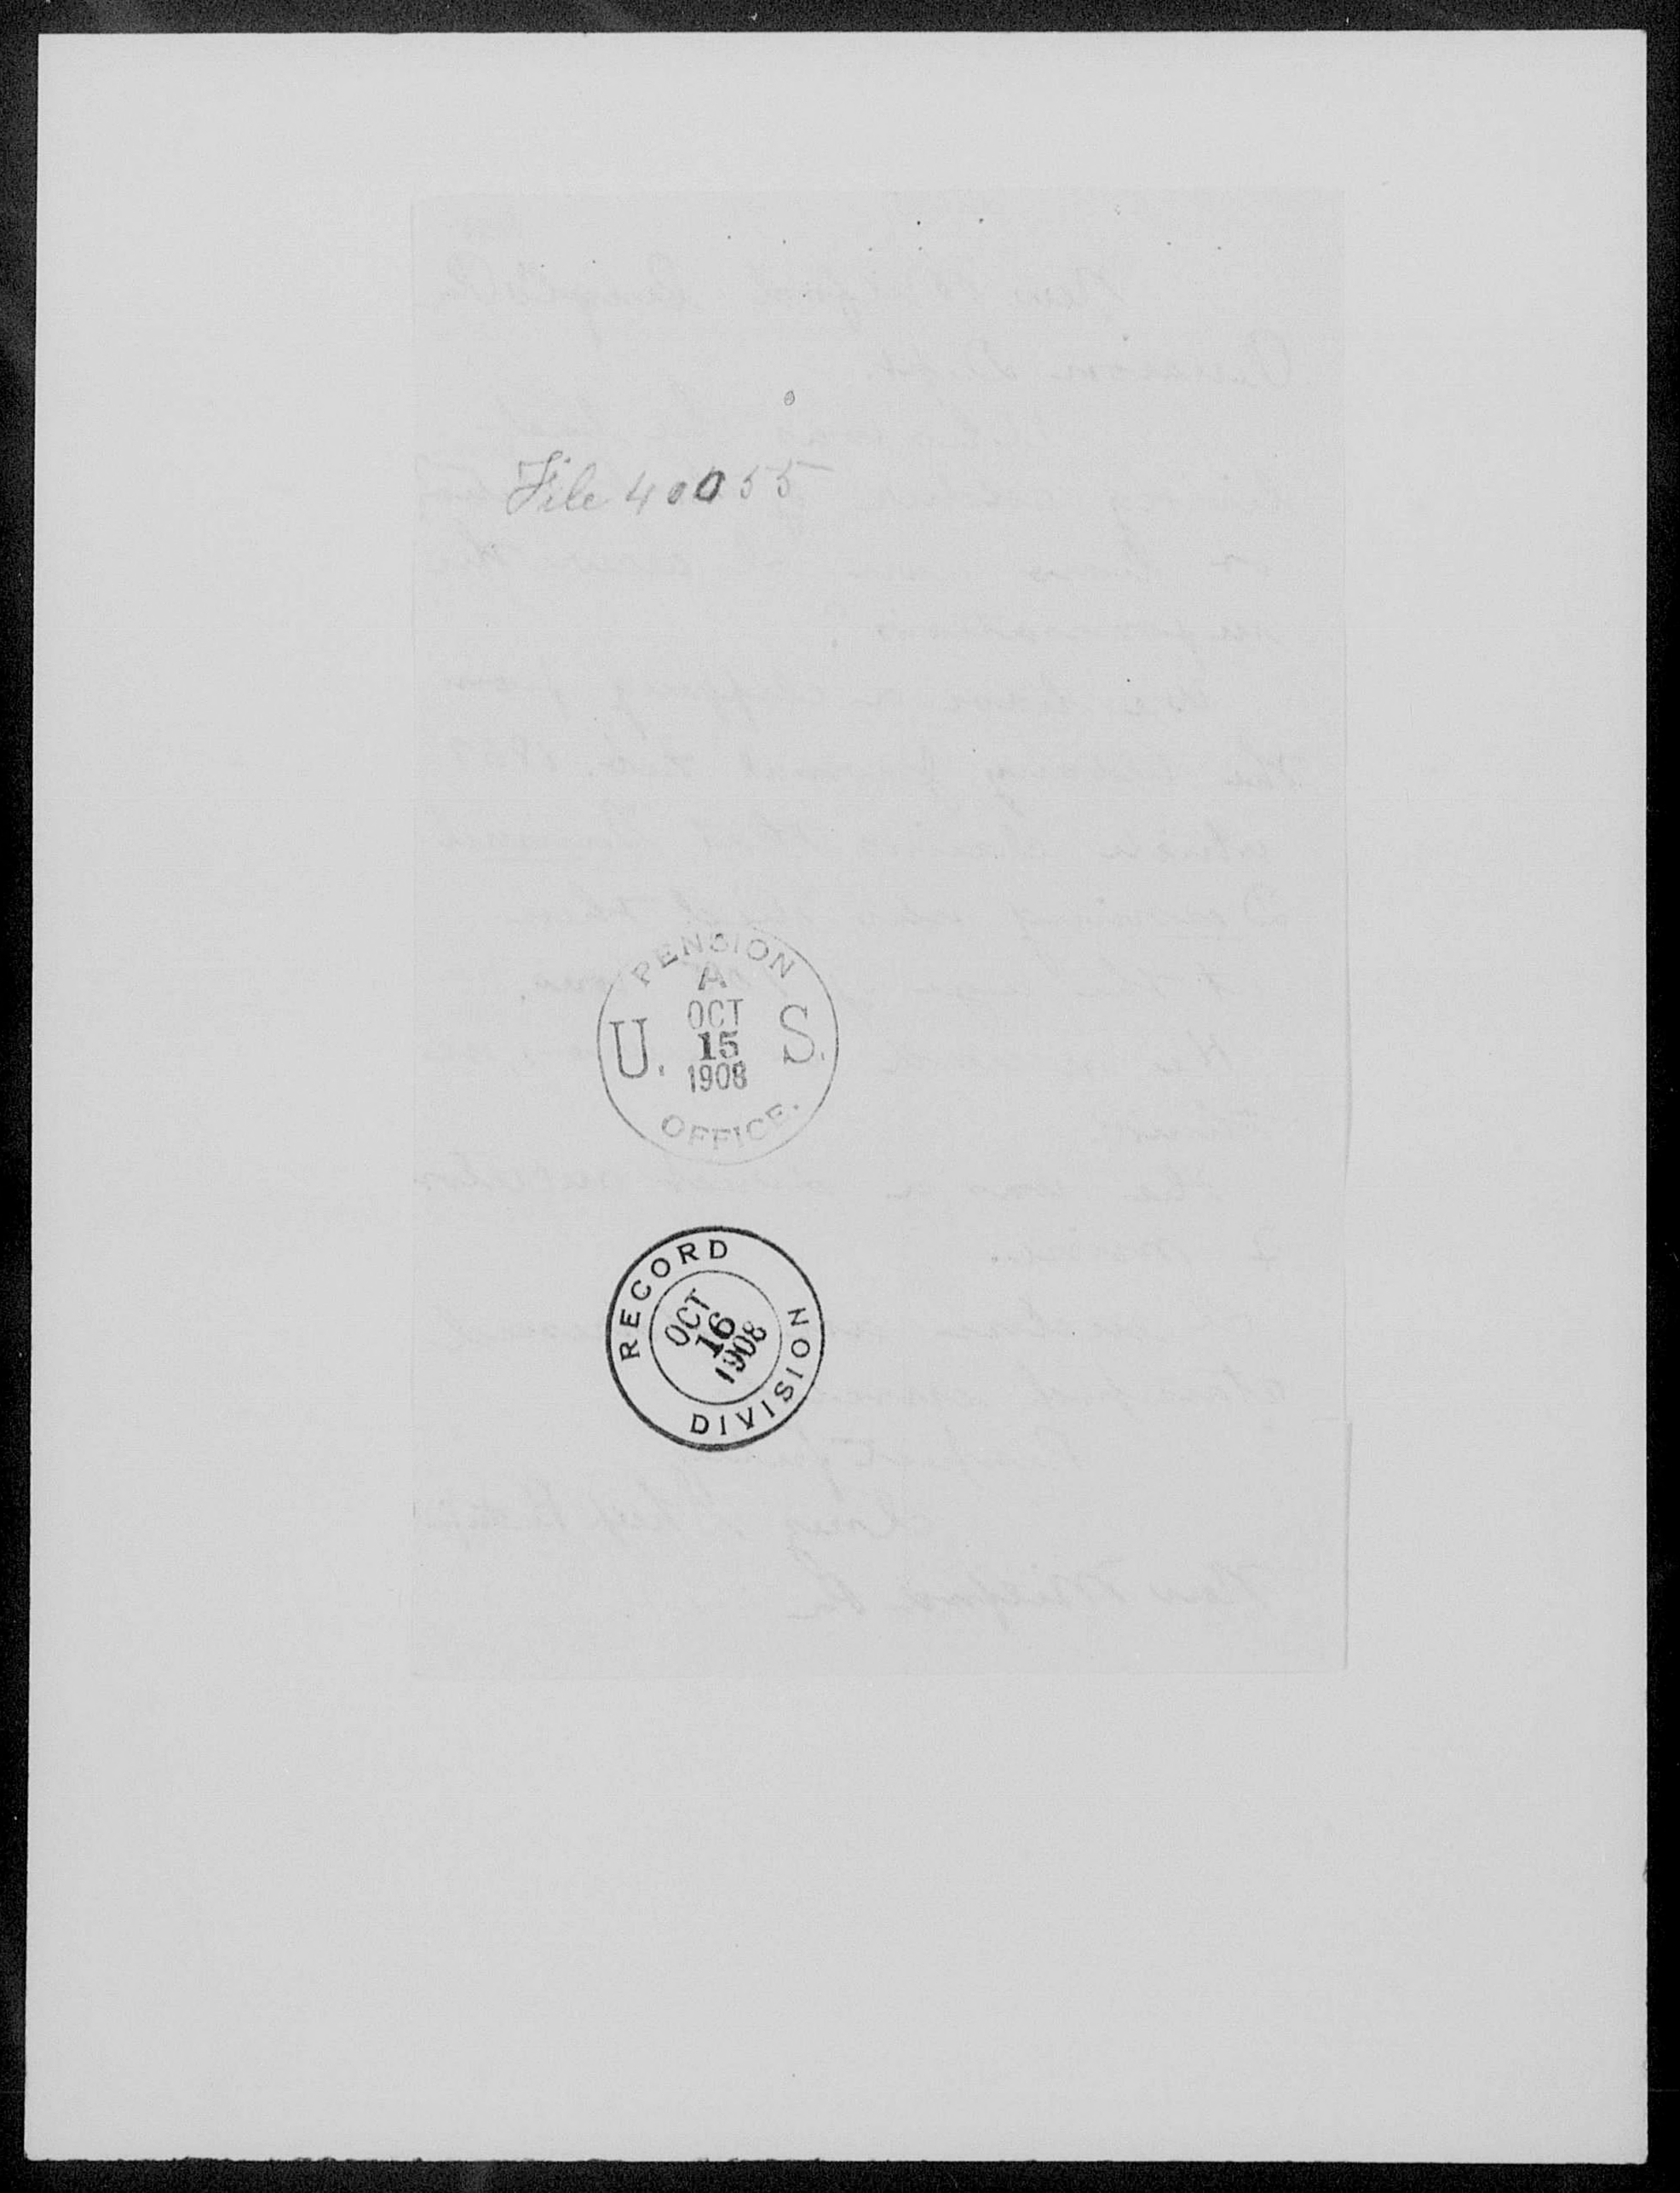File 40055

[Imprint of Pension Stamp]
PENSION A U.S. OCT 15 1908 OFFICE

[Imprint of second stamp]
RECORD  DIVISION OCT 16 1908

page: 39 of 56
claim: survivor's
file: S. 40,055, Samuel Downing, N.H.